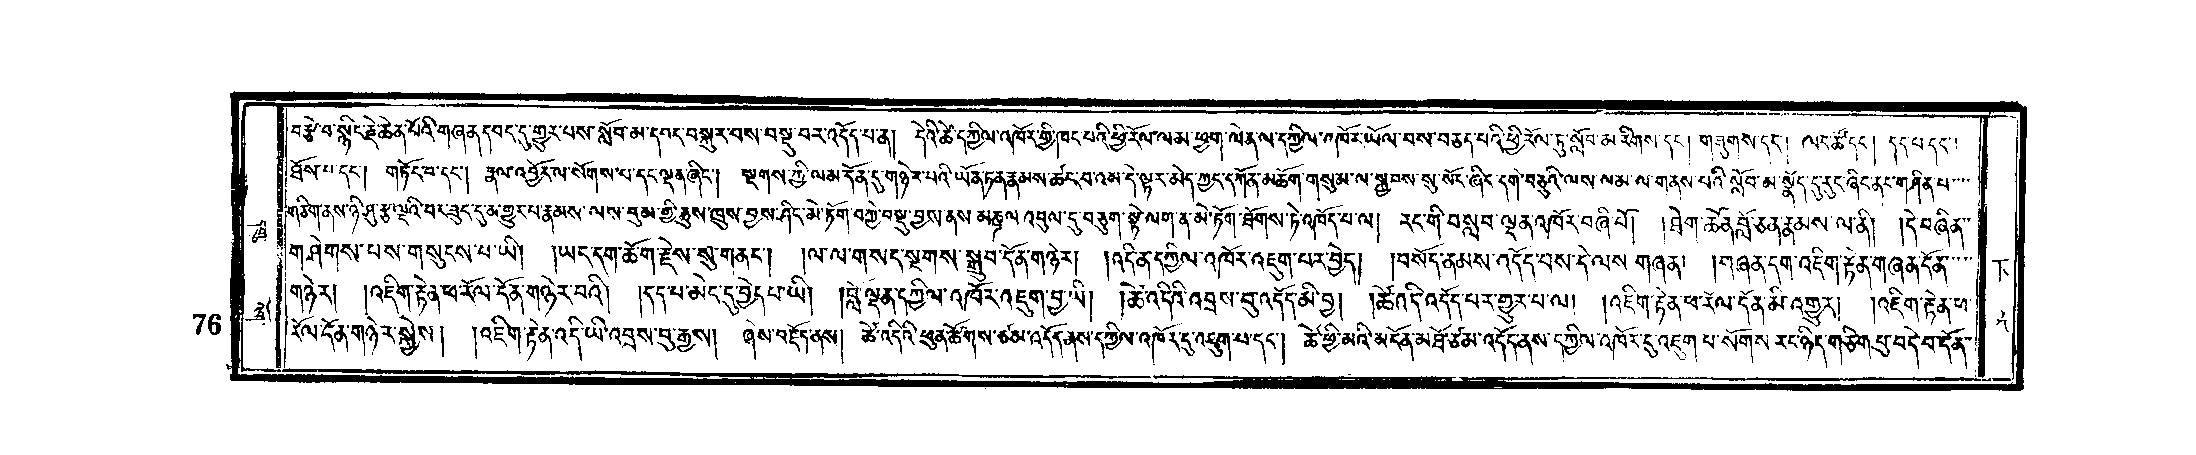བརྩེ་བ་སྙིང་རྗེ་ཆེན་པོའི་གཞན་དབང་དུ་གྱུར་པས་སློབ་མ་དབང་བསྐུར་བས་བསྡུ་བར་འདོད་པ་ན། དེའི་ཚེ་དཀྱིལ་འཁོར་གྱི་ཁང་པའི་ཕྱི་རོལ་ལམ་ཕྱག་ལེན་ལ་དཀྱིལ་འཁོར་ཡོལ་བས་བཅད་པའི་ཕྱི་རོལ་ཏུ་སློབ་མ་རིགས་དང་། གཟུགས་དང་། ལང་ཚོ་དང་། དད་པ་དང་།
ཐོས་པ་དང་། གཏོང་བ་དང་། རྣལ་འབྱོར་ལ་སོགས་པ་དང་ལྡན་ཞིང་། སྔགས་ཀྱི་ལམ་དོན་དུ་གཉེར་པའི་ཡོན་ཏན་རྣམས་ཚང་བ་འམ་དེ་ལྟར་མེད་ཀྱང་དཀོན་མཆོག་གསུམ་ལ་སྐྱབས་སུ་སོང་ཞིང་དགེ་བཅུའི་ལས་ལམ་ལ་གནས་པའི་སློབ་མ་སྣོད་དུ་རུང་ཞིང་ནང་གཤིན་པ་
གཅིག་ནས་ཉི་ཤུ་རྩ་ལྔའི་བར་ཟུང་དུ་མ་གྱུར་པ་རྣམས་ལས་བུམ་གྱི་ཆུས་ཁྲུས་བྱས་ཤིང་མེ་ཏོག་བཀྱེ་བསྡུ་བྱས་ནས་མཎྜལ་འབུལ་དུ་བཅུག་སྟེ་ལག་ན་མེ་ཏོག་ཐོགས་ཏེ་འཁོད་པ་ལ། རང་གི་བསླབ་ལྡན་འཁོར་བཞི་པོ། །ཐེག་ཆེན་བློ་ཅན་རྣམས་ལ་ནི། །དེ་བཞིན་
གཤེགས་པས་གསུངས་པ་ཡི། །ཡང་དག་ཆོ་ག་རྗེས་སུ་གནང་། །ལ་ལ་གསང་སྔགས་སྒྲུབ་དོན་གཉེར། །འདི་ན་དཀྱིལ་འཁོར་འཇུག་པར་བྱེད། །བསོད་ནམས་འདོད་པས་དེ་ལས་གཞན། །གཞན་དག་འཇིག་རྟེན་གཞན་དོན་
གཉེར། །འཇིག་རྟེན་ཕ་རོལ་དོན་གཉེར་བའི། །དད་པ་མེད་དུ་བྱེད་པ་ཡི། །བློ་ལྡན་དཀྱིལ་འཁོར་འཇུག་བྱ་ཡི། །ཚེ་འདིའི་འབྲས་བུ་འདོད་མི་བྱ། །ཚེ་འདི་འདོད་པར་གྱུར་པ་ལ། །འཇིག་རྟེན་ཕ་རོལ་དོན་མི་འགྱུར། །འཇིག་རྟེན་ཕ་
རོལ་དོན་གཉེར་སྐྱེས། །འཇིག་རྟེན་འདི་ཡི་འབྲས་བུ་རྒྱས། །ཞེས་བརྗོད་ནས། ཚེ་འདིའི་ཕུན་ཚོགས་ཙམ་འདོད་ནས་དཀྱིལ་འཁོར་དུ་འཇུག་པ་དང་། ཚེ་ཕྱི་མའི་མངོན་མཐོ་ཙམ་འདོད་ནས་དཀྱིལ་འཁོར་དུ་འཇུག་པ་སོགས་རང་ཉིད་གཅིག་པུ་བདེ་བ་དོན་